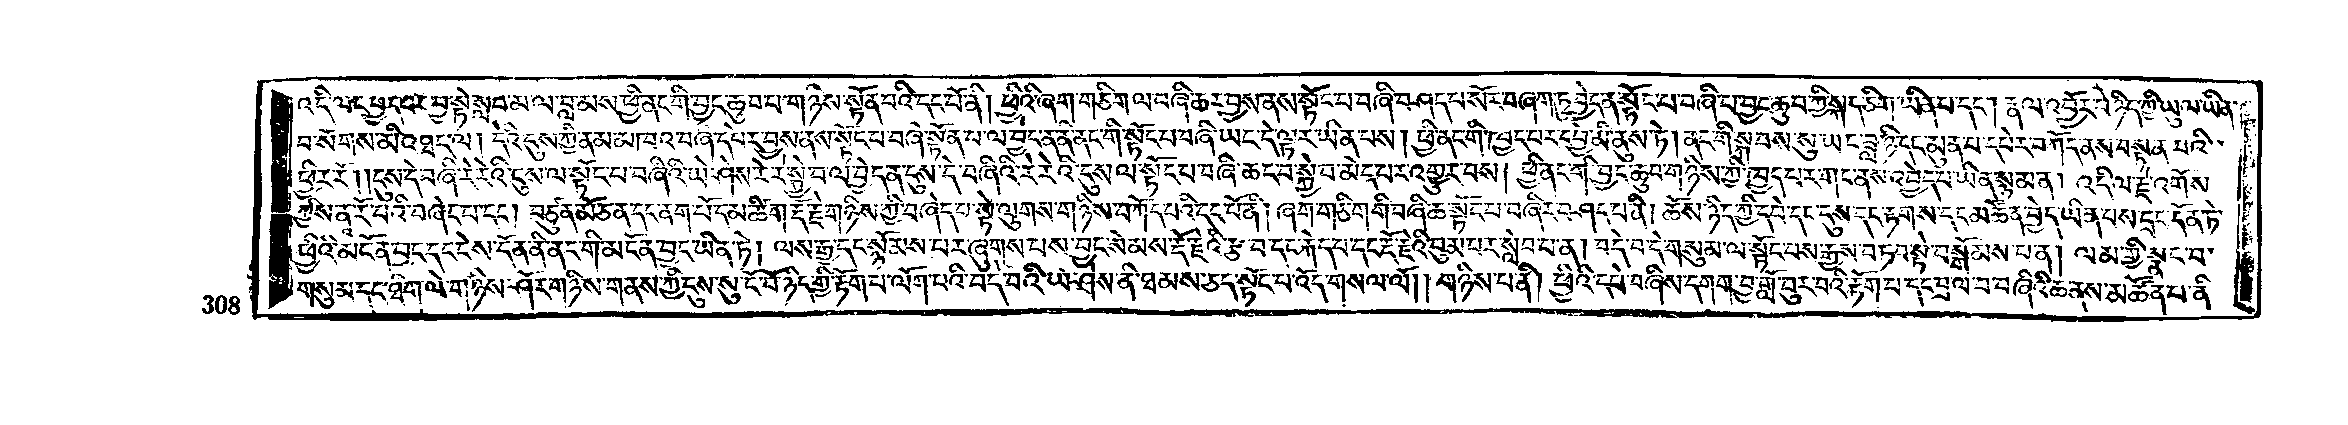འདི་ལ་དཔྱད་པར་བྱ་སྟེ་སློབ་མ་ལ་བླ་མས་ཕྱི་ནང་གི་བྱང་ཆུབ་པ་གཉིས་སྟོན་པའི་དང་པོ་ནི། ཕྱིའི་ཞག་གཅིག་ལ་བཞི་ཆར་བྱས་ནས་སྟོང་པ་བཞི་བཤད་པ་སོར་བཞག་ཏུ་བྱེད་ན་སྟོང་པ་བཞི་པ་བྱང་ཆུབ་ཀྱི་སྐད་ཅིག་ཡིན་པ་དང་། རྣལ་འབྱོར་པ་ཉིད་ཀྱི་ཡུལ་ཡིན་
པ་སོགས་མི་འཐད་ལ། དེའི་དུས་ཀྱི་ནམ་མཁའི་བཞི་དཔེར་བྱས་ནས་སྟོང་པ་བཞི་སྟོན་པ་ལ་བྱེད་ན་ནི་ནང་གི་སྟོང་པ་བཞི་ཡང་དེ་ལྟར་ཡིན་པས། ཕྱི་ནང་གི་ཁྱད་པར་དབྱེ་མི་ནུས་ཏེ། ནང་གི་སྐབས་སུ་ཡང་ཟླ་ཉི་དང་མུན་པ་དཔེར་བཀོད་ནས་བསྟན་པའི་
ཕྱིར་རོ། །དུས་དེ་བཞི་རེ་རེའི་དུས་ལ་སྟོང་པ་བཞིའི་ཡེ་ཤེས་རེ་རེ་སྐྱེ་བ་ལ་བྱེད་ན་དུས་དེ་བཞིའི་རེ་རེའི་དུས་ལ་སྟོང་པ་བཞི་ཆང་བ་སྐྱེ་བ་མེད་པར་འགྱུར་བས། ཕྱི་ནང་གི་བྱང་ཆུབ་གཉིས་ཀྱི་ཁྱད་པར་གང་ནས་འབྱེད་པ་ཡིན་སྙམ་ན། འདི་ལ་རྗེ་འགོས་
ཀྱིས་ནཱ་རོ་པའི་བཞེད་པ་དང་། བཙུན་མོ་ཅན་དང་ནག་པོ་དམ་ཚིག་རྡོ་རྗེ་གཉིས་ཀྱི་བཞེད་པ་སྟེ་ལུགས་གཉིས་བཀོད་པའི་དང་པོ་ནི། ཞག་གཅིག་གི་བཞི་ཆ་སྟོང་པ་བཞིར་བཤད་པ་ནི། ཆོས་ཉིད་ཀྱི་དཔེ་དང་དུས་དང་རྟགས་དང་མཚོན་བྱེད་ཡིན་པས་དྲང་དོན་ཏེ་
ཕྱིའི་མངོན་བྱང་དང་ངེས་དོན་ནི་ནང་གི་མངོན་བྱང་ཡིན་ཏེ། ལས་རྒྱ་དང་སྙོམས་པར་ཞུགས་པས་བྱང་སེམས་རྡོ་རྗེའི་རྩ་བ་དང་རྐེད་པ་དང་རྡོ་རྗེའི་བུམ་པར་སླེབ་པ་ན། བདེ་བ་དེ་གསུམ་ལ་སྟོང་པས་རྒྱས་བཏབ་སྟེ་བསྒོམས་པ་ན། ལམ་གྱི་སྣང་བ་
གསུམ་དང་ཐིག་ལེ་གཉིས་ཤོར་གཉིས་གནས་ཀྱི་དུས་སུ་ངོ་བོ་ཉིད་གྱི་རྟོག་པ་ལོག་པའི་བདེ་བའི་ཡེ་ཤེས་ནི་ཐམས་ཅད་སྟོང་པ་འོད་གསལ་ལོ། །གཉིས་པ་ནི། ཕྱིའི་དཔེ་བཞིས་དགག་བྱ་གློ་བུར་བའི་རྟོག་པ་དང་བྲལ་བ་བཞིའི་ཆ་ནས་མཚོན་པ་ནི་